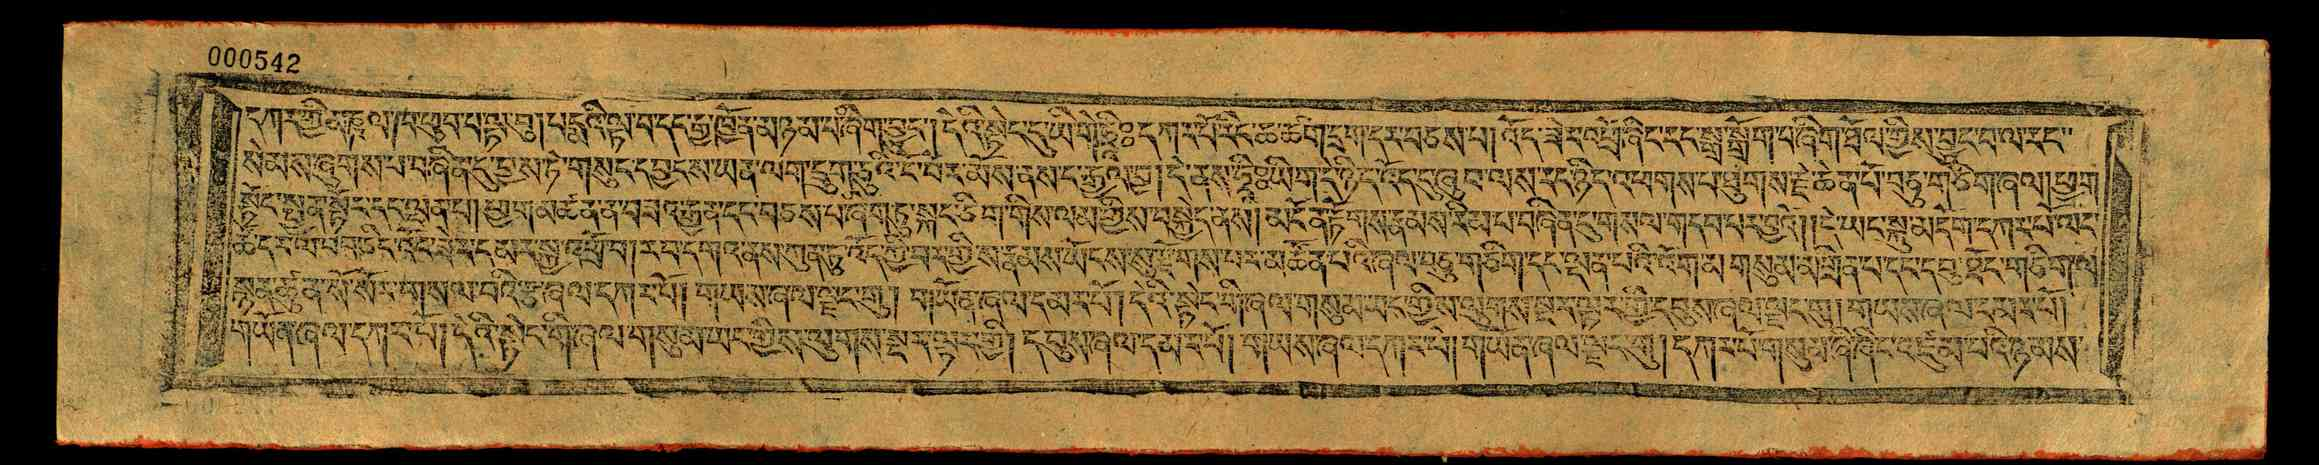དཀར་གྱི་མཎྜལ་ཁ་ཕུབ་པ་ལྟ་བུ། པདམའི་ལྟེ་བ་དང་རྒྱ་ཁྱོན་མཉམ་པ་ཞིག་བྱུང་། དེའི་སྟེང་དུ་ཡི་གེ་ཧྲཱིཿ དཀར་པོ་རིང་ཆ་ཚིག་དྲག་དང་བཅས་པ། འོད་ཟེར་འཕྲོ་ཞིང་རང་སྒྲ་སྒྲོག་པ་ཞིག་ཐོལ་གྱིས་བྱུང་བ་ལ་རང་
སེམས་ཞུགས་པ་བཞིན་དུ་བྱས་ཏེ་གསུང་དབྱངས་ཡན་ལག་དྲུག་ཅུའི་ངོ་བོར་མོས་ནས་ང་རྒྱལ་བྱ། དེ་ནས་ཧྲཱིཿ ཡིག་དེ་ཉིད་འོད་དུ་ཞུ་བ་ལས་རང་ཉིད་འཕགས་པ་ཐུགས་རྗེ་ཆེན་པོ་བཅུ་གཅིག་ཞལ། ཕྱག་
སྟོང་སྤྱན་སྟོང་དང་ལྡན་པ། ཕྱག་མཚན་ན་བཟའ་རྒྱན་དང་བཅས་པ་ཞིག་ཏུ་སྐད་ཅིག་གིས་ལམ་གྱིས་བསྐྱེད་ནས། མངོན་རྟོགས་རྣམས་རིམ་པ་བཞིན་དུ་གསལ་གདབ་པར་བྱའོ། །དེ་ཡང་སྐུ་མདོག་དཀར་པོ་ལང་
ཚོ་དར་ལ་བ་བཅིང་འོད་ཟེར་དམར་སྐྱ་འཕྲོ་བ། རབ་དགའ་ནས་ཀུན་ཏུ་འོད་ཀྱི་བར་གྱི་ས་རྣམས་ཡོངས་སུ་རྫོགས་པར་མཚོན་པའི་ཞལ་བཅུ་གཅིག་དང་ལྡན་པའི་འོག་མ་གསུམ་མགྲིན་པ་དང་དབུ་ཐོད་གཅིག་ལ་
སྙན་ཚུན་སོ་སོར་གསལ་བའི་རྩ་ཞལ་དཀར་པོ། གཡས་ཞལ་ལྗང་གུ། གཡོན་ཞལ་དམར་པོ། དེའི་སྟེང་གི་ཞལ་གསུམ་ཡང་གྱེས་ལུགས་སྔར་ལྟར་གྱི་དབུས་ཞལ་ལྗང་གུ། གཡས་ཞལ་དམར་པོ།
གཡོན་ཞལ་དཀར་པོ། དེའི་སྟེང་གི་ཞལ་གསུམ་ཡང་གྱེས་ལུགས་སྔར་ལྟར་གྱི། དབུས་ཞལ་དམར་པོ། གཡས་ཞལ་དཀར་པོ། གཡོན་ཞལ་ལྗང་གུ། དཀར་པོ་གསུམ་ཞི་ཞིང་འཛུམ་པའི་ཉམས་